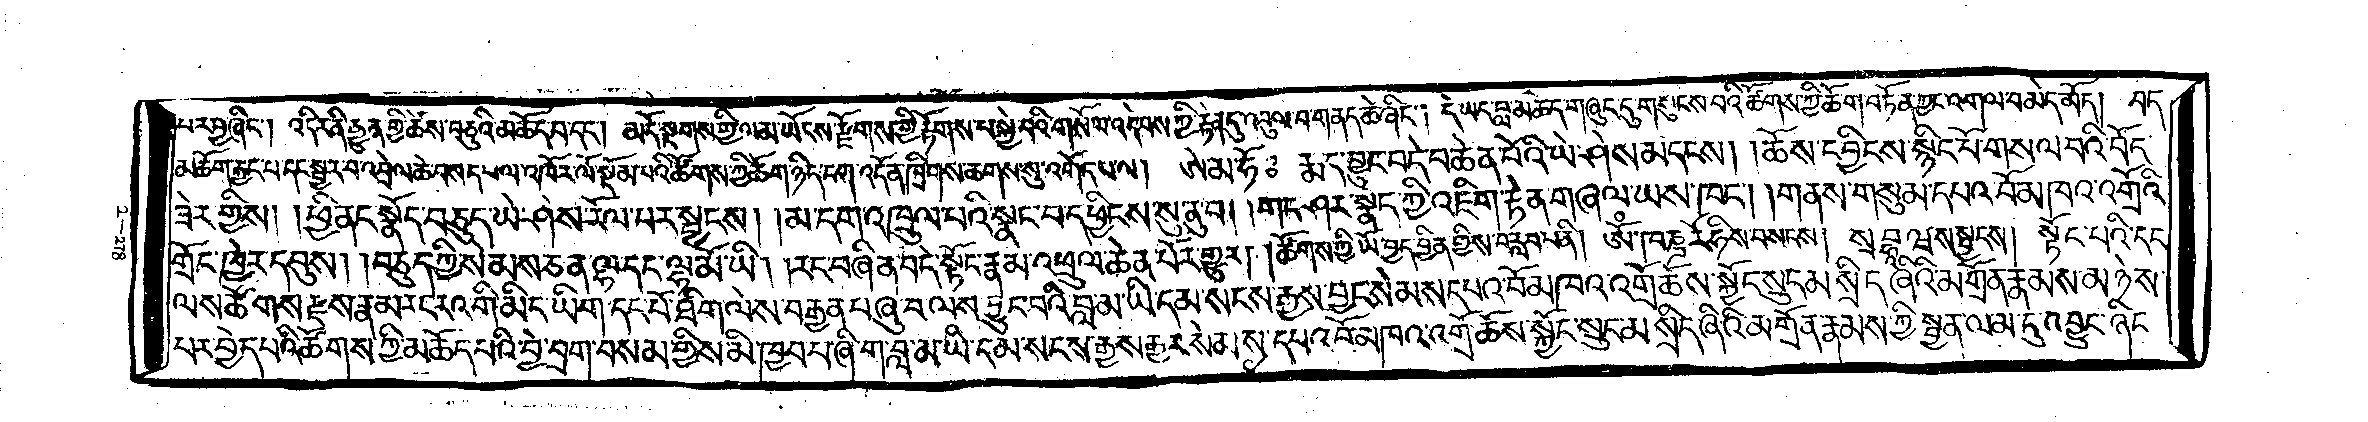པར་བྱ་ཞིང་། འདིར་ནི་རྒྱུན་གྱི་ཚེས་བཅུའི་མཆོད་པ་དང་། མདོ་སྔགས་གྱི་ལམ་ཡོངས་རྫོགས་གྱི་རྟོགས་པ་སྐྱེ་བའི་གསོལ་འདེབས་ཀྱི་རྟེན་དུ་འབུལ་བ་གནད་ཆེ་ཞིང་། དེ་ཡང་བླ་མཆེད་གཞུང་དུ་གསུངས་པའི་ཚོགས་ཀྱི་ཆོ་ག་བཏོན་ཀྱང་འགལ་བ་མེད་མོད། བདེ་
མཆོག་རྐྱང་པ་དང་སྦྱར་བ་འབྲེལ་ཆེ་བས་དཔལ་འཁོར་ལོ་སྡོམ་པའི་ཚོགས་ཀྱི་ཆོག་ཉིད་ངག་འདོན་ཁྲིགས་ཆགས་སུ་འགོད་པ་ལ། ཨེ་མ་ཧོཿ རྨད་བྱུང་བདེ་བ་ཆེན་པོའི་ཡེ་ཤེས་མདངས། །ཆོས་དབྱིངས་སྙིང་པོ་གསལ་བའི་བོད་
ཟེར་གྱིས། །ཕྱི་ནང་སྣོད་བཅུད་ཡེ་ཤེས་རོལ་བར་སྦྱངས། །མ་དག་འཁྲུལ་བའི་སྣང་བ་དབྱིངས་སུ་ནུབ། །གང་ཤར་སྣད་ཀྱི་འཇིག་རྟེན་གཞལ་ཡས་ཁང་། །གནས་གསུམ་དཔའ་བོ་མཁའ་འགྲོའི་
གྲོང་ཁྱེར་དབུས། །བཅུད་ཀྱི་སེམས་ཅན་ལྷ་དང་ལྷ་མོ་ཡི། །རང་བཞིན་བདེ་སྟོང་རྣམ་འཕྲུལ་ཆེན་པོར་གྱུར། །ཚོགས་ཀྱི་ཡོ་བྱད་བྱིན་གྱི་བརླབ་པ་ནི། ཨོཾ་ཁཎྜ་རོཧིས་བསངས། སྭབྷཱ་ཝས་སྦྱངས། །སྟོང་པའི་དང་
ལས་ཚོགས་རྫས་རྣམ་རང་རང་རཱ་གི་མིང་ཡིག་དང་པོ་ཐིག་ལེས་བརྒྱན་པ་ཞུ་བ་ལས་བྱུང་བའི་བླ་མ་ཡི་དམ་སངས་རྒྱས་བྱང་སེམས་དཔའ་བོ་མཁའ་འགྲོ་ཆོས་སྐྱོང་སྲུང་མ་སྲིད་ཞིའི་མགྲོན་རྣམས་མཉེས་
པར་བྱེད་པའི་ཚོགས་ཀྱི་མཆོད་པའི་བྱེ་བྲག་བསམ་གྱིས་མི་ཁྱབ་བ་ཞིག་བླ་མ་ཡི་དམ་སངས་རྒྱས་རྒྱར་སེམས་དཔའ་བོ་མཁའ་འགྲོ་ཆོས་སྐྱོང་སྲུང་མ་སྲིད་ཞིའི་མགྲོན་རྣམས་ཀྱི་སྦྱན་ལམ་དུ་འབྱུང་ཉིང་